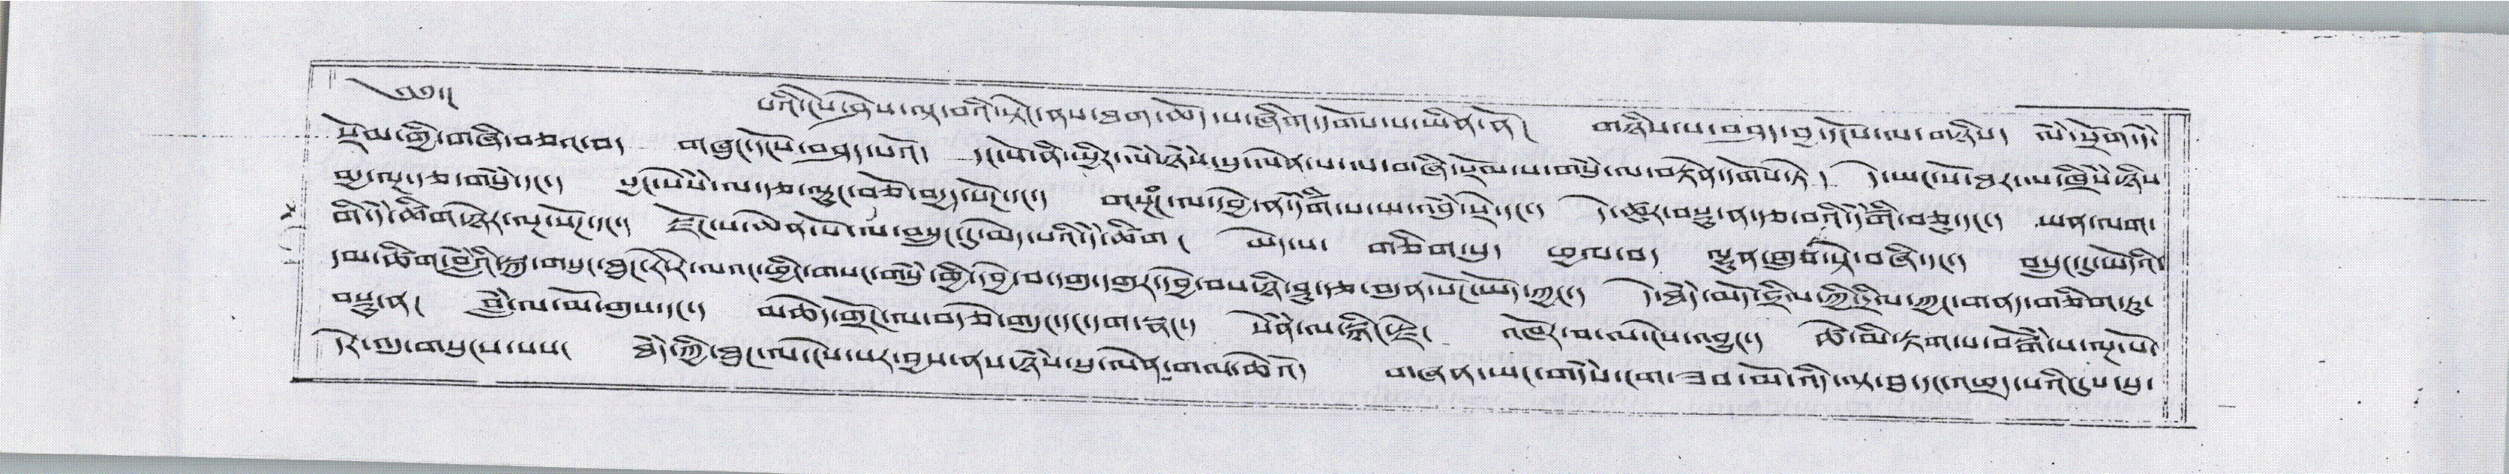པའི་ངེས་ཤེས་ལྟ་བའི་སྟེང་ནས་ཐག་ཆོད་པ་ཞིག་དགོས་པ་ཡིན་ནོ། གཉིས་པ་བཤད་བྱ་དངོས་ལ་གཉིས། ལམ་སྲོག་དམ་
སྡོམ་གྱི་གཞི་བཅའ་བ། གཞུང་དངོས་གཞི་བཅའ་བ། གཞུང་དངོས་བཤད་པའོ། དང་པོ་ནི་སྤྱིར་ལམ་ཉམས་སུ་ལེན་པ་ལ་གཞི་སྡོམ་པ་གསུམ་ལ་བརྟེན་དགོས་ཏེ། དེ་ཡང་སོ་ཐར་གྱི་ཁྲིམས་ཉིས་
བརྒྱ་ལྔ་བཅུ་རྩ་གསུམ་དང་། བྱང་སེམས་ལ་རྩ་ལྟུང་བཅོ་བརྒྱད་སོགས་དང་། གསང་སྔགས་ལ་དབྱེ་ན་དམ་ཚིག་ས་མ་ཡ་འབུམ་སྡེ་དང་། དེ་ཚུར་བསྡུ་ན་རྩ་བའི་དམ་ཚིག་བཅུ་དང་། ཡན་ལག་གི་
དམ་ཚིག་ཉེར་ལྔ་སོགས་དང་། རྫོགས་པ་ཆེན་པོ་ལ་བསྲུང་དུ་མེད་པའི་དམ་ཚིག མེད་པ་གཅིག་པུ་ཕྱལ་བ་ལྷུན་གྲུབ་སྟེ་བཞི་དང་། བསྲུང་དུ་མེད་པའི་
དམ་ཚིག་བླ་མའི་སྐུ་གསུང་ཐུགས་རེ་རེ་ལའང་ཕྱི་ནང་གསང་གསུམ་གྱི་དབྱེ་བ་དགུ་དགུར་དབྱེ་བས་ཉི་ཤུ་རྩ་བདུན་སོགས་ཡོད་ཀྱང་། དེ་ཐམས་ཅད་མདོ་ཧྲིལ་གྱིས་དྲིལ་ཀྱང་གནད་གཅིག་ཏུ་
བསྡུ་ན། བླ་མ་ལ་མོས་གུས་དང་། མཆེད་གྲོགས་ལ་བརྩེ་དུང་དང་དག་སྣང་། སེམས་ཅན་ལ་སྙིང་རྗེ་འཁོར་བ་ལ་ངེས་འབྱུང་ཚེ་མི་རྟག་པ་བསྒོམ་པ་ལྔ་པོ་
དེར་འདུ་གསུངས་པས། ཐམས་ཅད་ཀྱི་ཐུངས་ལ་ངེས་པར་བྱས་ནས་ཉམས་སུ་ལེན་པ་གལ་ཆེའོ། གཞན་ཡང་གདམས་ངག་ཟབ་མོ་འདི་ལྟ་བུ་འཕྲད་པའི་དུས་སུ་